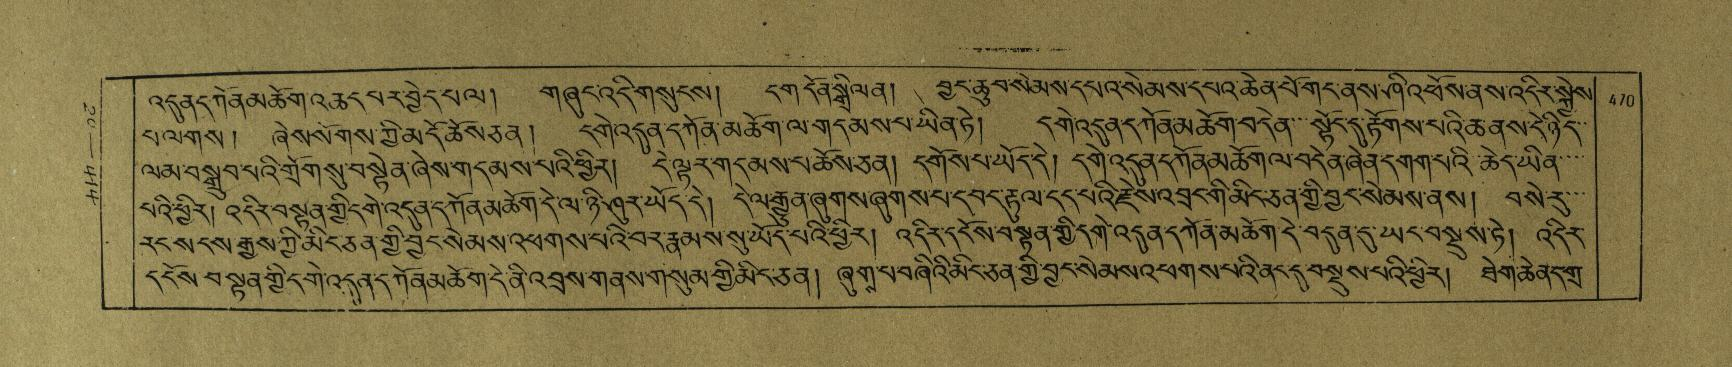འདུན་དཀོན་མཆོག་འཆད་པར་བྱེད་པ་ལ། གཞུང་འདི་གསུངས། ངག་དོན་སྒྲིལ་ན། བྱང་ཆུབ་སེམས་དཔའ་སེམས་དཔའ་ཆེན་པོ་གང་ནས་ཤི་འཕོས་ནས་འདིར་སྐྱེས་པ་ལགས། ཞེས་སོགས་ཀྱི་མདོ་ཆོས་ཅན། དགེ་འདུན་དཀོན་མཆོག་ལ་གདམས་པ་ཡིན་ཏེ། དགེ་འདུན་དཀོན་མཆོག་བདེན་སྟོང་དུ་རྟོགས་པའི་ཆ་ནས་དེ་ཉིད་
ལམ་བསྒྲུབ་པའི་གྲོག་སུ་བསྟེན་ཞེས་གདམས་པའི་ཕྱིར། དེ་ལྟར་གདམས་པ་ཆོས་ཅན། དགོས་པ་ཡོད་དེ། དགེ་འདུན་དཀོན་མཆོག་ལ་བདེན་ཞེན་དགག་པའི་ཆེད་ཡིན་
པའི་ཕྱིར། འདིར་བསྟན་གྱི་དགེ་འདུན་དཀོན་མཆོག་དེ་ལ་ཉི་ཤུར་ཡོད་དེ། དེ་ལ་རྒྱུན་ཞུགས་ཞུགས་པ་དབང་རྟུལ་དད་པའི་རྗེས་འབྲང་གི་མིང་ཅན་གྱི་བྱང་སེམས་ནས། བསེ་རུ་
རང་སངས་རྒྱས་ཀྱི་མིང་ཅན་གྱི་བྱང་སེམས་འཕགས་པའི་བར་རྣམས་སུ་ཡོད་པའི་ཕྱིར། འདིར་དངོས་བསྟན་གྱི་དགེ་འདུན་དཀོན་མཆོག་དེ་བདུན་དུ་ཡང་བསྡུས་ཏེ། འདིར་
དངོས་བསྟན་གྱི་དགེ་འདུན་དཀོན་མཆོག་དེ་ནི་འབྲས་གནས་གསུམ་གྱི་མིང་ཅན། ཞུགས་པ་བཞིའི་མིང་ཅན་གྱི་བྱང་སེམས་འཕགས་པའི་ནང་དུ་བསྡུས་པའི་ཕྱིར། ཐེག་ཆེན་དགྲ་